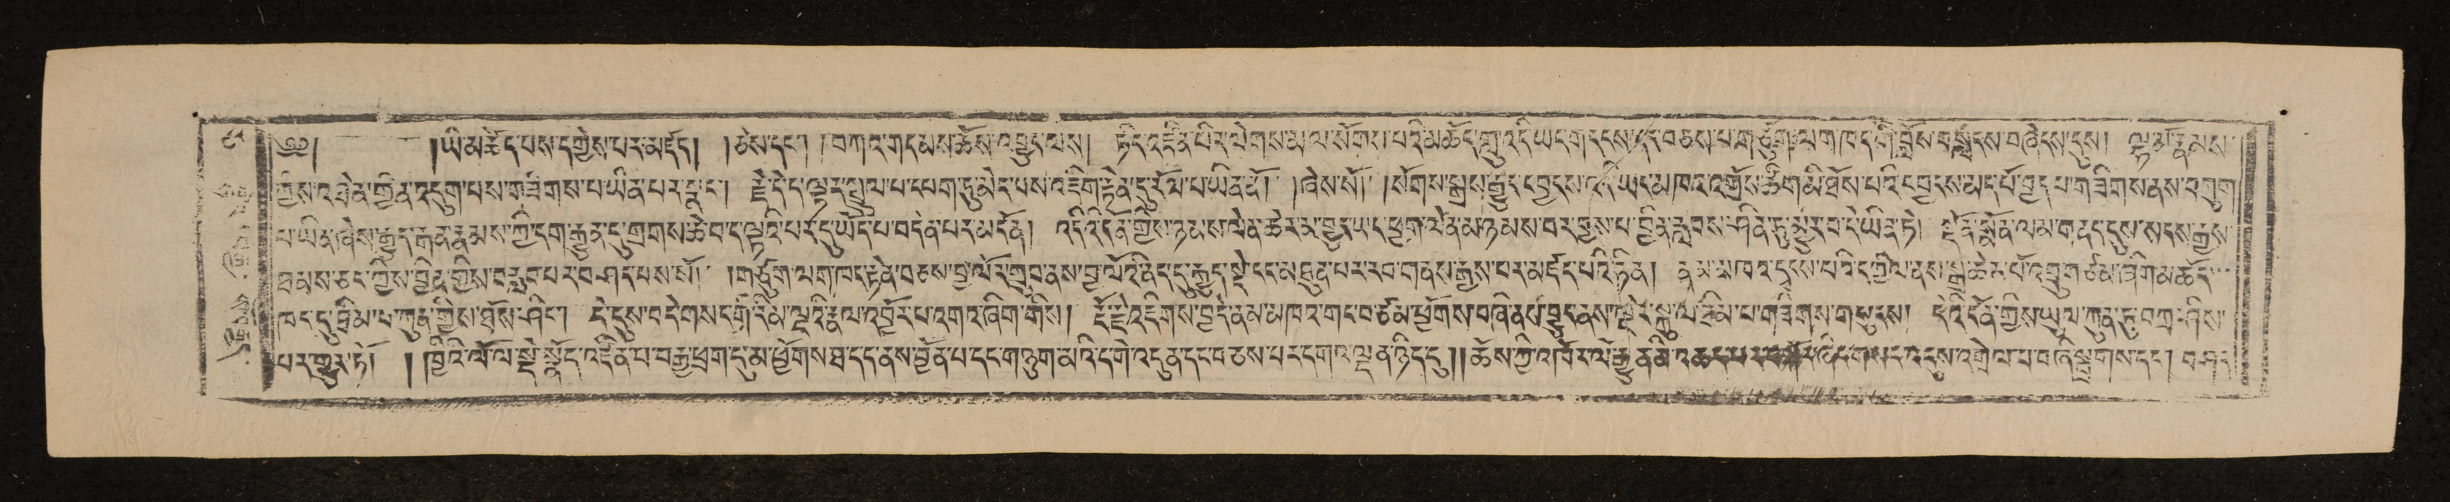༄༅། །ཡི་མཆོད་པས་དགྱེས་པར་མཛད། །ཅེས་དང་། བཀའ་གདམས་ཆོས་འབྱུང་ལས། ཏིང་འཛིན་པིར་ལེགས་མ་ལ་སོགས་པའི་མཆོད་གླུ་འདི་ཡང་གདངས་དང་བཅས་པ་གཙུག་ལག་ཁང་གི་བློས་བསླངས་བཞེངས་དུས། ལྷ་མོ་རྣམས་
ཀྱིས་འཐེན་གྱིན་འདུག་པས་གཟིགས་པ་ཡིན་པར་སྣང་། རྗེ་དེ་ད་ལྟར་སྤྲུལ་པ་དཔག་ཏུ་མེད་པས་འཇིག་རྟེན་དུ་རོལ་པ་ཡིན་ནོ། །ཞེས་སོ། །སོགས་སྒྲས་རྒྱུད་དབྱངས་འདི་ཡང་མཁའ་འགྲོས་ཚིག་མི་ཐོས་པའི་དབྱངས་མང་པོ་བྱེད་པ་གཟིགས་ནས་བཀུག་
པ་ཡིན་ཞེས་རྒྱུད་རྒན་རྣམས་ཀྱི་ངག་རྒྱུན་དུ་གྲགས་ཆེ་པ་ད་ལྟའི་པར་དུ་ཡོད་པ་བདེན་པར་མངོན། འདིའི་དོན་གྱིས་ཉམས་ལེན་ཆེར་མ་བྱུང་ཡང་ཕྱག་ལེན་མཉམས་པར་བྱས་པ་བྱིན་རླབས་ཤིན་ཏུ་མྱུར་བ་དེ་ཡིན་ཏེ། སྔོན་སྨོན་ལམ་གནང་དུས་སངས་རྒྱས་
ཐམས་ཅད་ཀྱིས་བྱིན་གྱིས་བརླབ་པར་བཤད་པས་སོ། །གཙུག་ལག་ཁང་རྟེན་བཅས་བྱ་ལོར་གྲུབ་ནས་བྱ་ལོའི་ནང་དུ་རྒྱུད་སྡེ་དང་མཐུན་པར་རབ་གནས་རྒྱས་པར་མཛད་པའི་ཉིན། ནམ་མཁའ་དྭངས་པའི་དཀྱིལ་ནས་སྒྲ་ཆེན་པོ་འབྲུག་ཙམ་ཞིག་མཆོད་
ཁང་དུ་ཐིམ་པ་ཀུན་གྱིས་ཐོས་ཤིང་། དེ་དུས་བདེ་གསང་གི་རིམ་ལྔའི་རྣལ་འབྱོར་པ་འགའ་ཞིག་གིས། རྡོ་རྗེ་འཇིགས་བྱེད་ནམ་མཁའ་གང་བ་ཙམ་ཕྱོགས་བཞི་ནས་བྱུང་ནས་ལྡེར་སྐུ་ལ་ཐིམ་པ་གཟིགས་གསུངས། དེའི་དོན་གྱིས་ཡུལ་ཀུན་ཏུ་བཀྲ་ཤིས་
པར་གྱུར་ཏོ། །ཁྱིའི་ལོ་ལ་སྡེ་སྣོད་འཛིན་པ་བརྒྱ་ཕྲག་དུ་མ་ཕྱོགས་ཐ་དད་ནས་བྱོན་པ་དང་གཉུག་མའི་དགེ་འདུན་དང་བཅས་པར་དགའ་ལྡན་ཉིད་དུ། ཆོས་ཀྱི་འཁོར་ལོ་རྒྱུན་མི་འཆད་པར་བསྐོར་ཞིང་གསང་འདུས་འགྲེལ་པ་བཞི་སྦྲགས་དང་། བཤད་